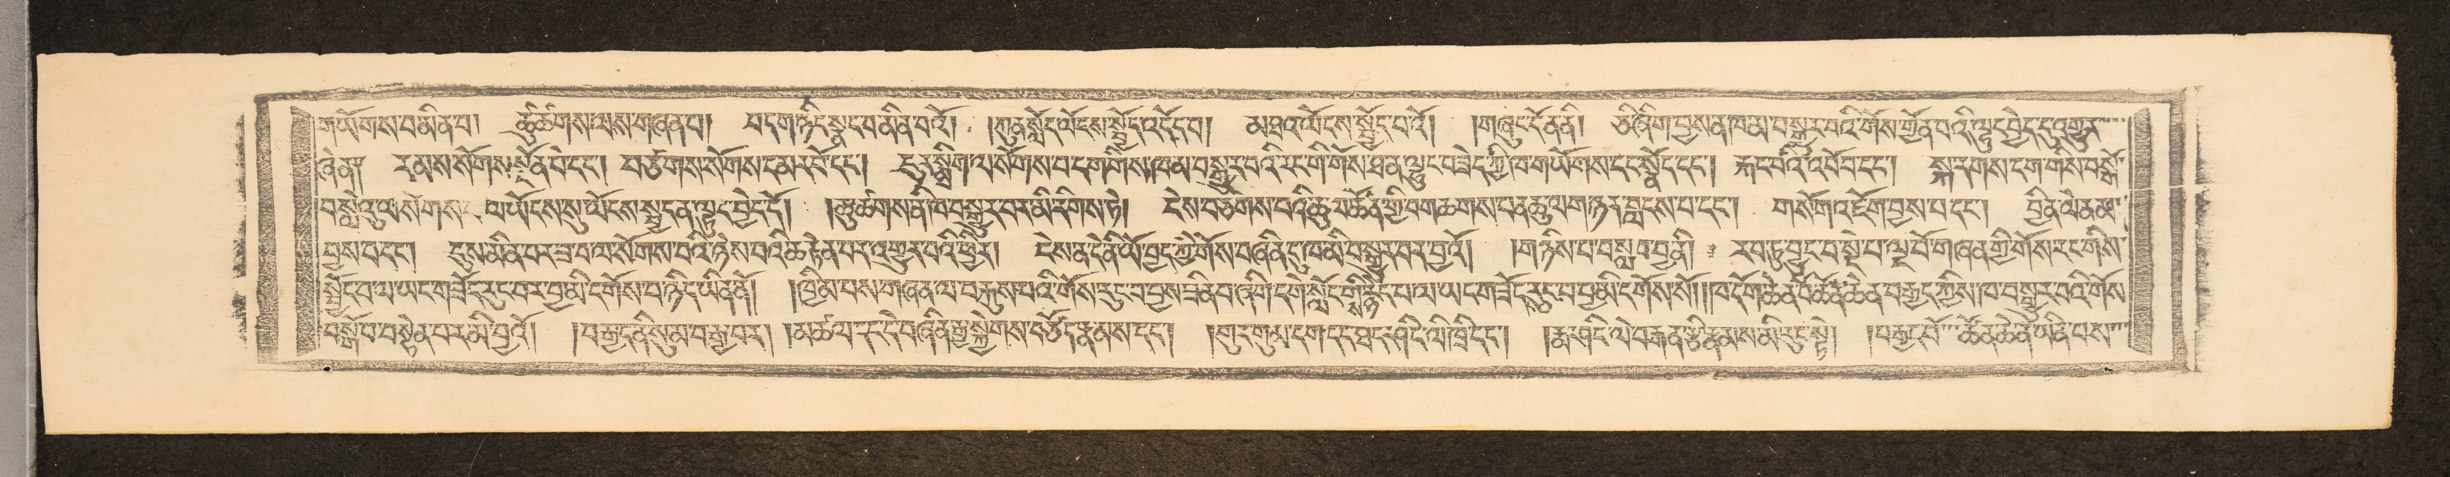གཡོགས་པ་མིན་པ། ཚུ་ཚུགས་ལས་གཞན་བ། བདག་ཉིད་སྣང་བ་མིན་པའོ། །ཀུན་སློང་ལོངས་སྤྱོད་འདོད་པ། མཐའ་ལོངས་སྤྱོད་པའོ༑ །གཞུང་དོན་ནི། ཅི་ཞིག་བྱས་ན་ཁ་མ་བསྒྱུར་བའི་གོས་གྱོན་བའི་ལྟུང་བྱེད་དུ་འགྱུར་
ཞེ་ན། རམས་སོགས་སྔོན་པོ་དང་། བཙགས་སོགས་དམར་པོ་དང་། ངུར་སྨྲིག་ལ་སོགས་པ་ངག་གིས་ཁ་མ་བསྒྱུར་བའི་རང་གི་གོས་ཐ་ན་ལྷུང་བཟེད་ཀྱི་ཁ་གཡོགས་དང་སྣོང་དང་། རྐང་པའི་འབབ་དང་། སྐ་རགས་ངག་གིས་བསྒོ་
བསླེའུ་ལ་སོགས་པ་ལ་ཡོངས་སུ་ལོངས་སྤྱད་ན་ལྟུང་བྱེད་དོ། །ཆུ་ཚགས་ནི་ཁ་བསྒྱུར་བར་མི་རིགས་ཏེ། དེས་བཙགས་པའི་ཆུ་ལ་ཚོན་གྱི་བག་ཆགས་པ་ན་ཆུ་ལག་ཉར་བླངས་པ་དང་། གསོག་འཇོག་བྱས་པ་དང་། བྱིན་ལེན་མ་
བྱས་བ་དང་། དུས་མིན་པར་ཟ་བ་ལ་སོགས་པའི་ཉེས་པའི་ཆ་རྟེན་བར་འགྱུར་བའི་ཕྱིར། དེས་ན་དེ་ནི་ཡོ་བྱད་ཀྱི་གོས་བཞིན་དུ་ཁ་མི་བསྒྱུར་བར་བྱའོ། །གཉིས་པ་བསླབ་བྱ་ནི། རབ་ཏུ་བྱུང་བ་སྡེ་པ་ལྔ་པོ་གཞན་གྱི་གོས་རང་གིས་
སྦྱོད་བ་ལ་ཡང་གཟོད་རུང་བར་བྱ་མི་དགོས་པ་ཉིད་ཡིན་ནོ། །ཁྱིམ་པས་གཞན་ལ་བརྐུས་པའི་གོས་རུང་བ་བྱས་ཟིན་བ་ཞིག་དགེ་སློང་གིས་རྙེད་པ་ལ་ཡང་གཟོད་རུང་བར་བྱ་མི་དགོས་སོ། །ཁ་དོག་ཆེན་པོ་ཚོན་ཆེན་
བརྒྱད་ཀྱིས་ཁ་བསྒྱུར་བའི་གོས་བསྒོབ་བསྟེན་པར་མི་བྱའོ། །བརྒྱད་ནི་སུམ་བརྒྱ་པར། །མཚལ་དང་དེ་བཞིན་རྒྱ་སྐྱེགས་བཙོད་རྣམས་དང་། །གུར་གུམ་དག་དང་ཐང་ཤིང་ལི་ཁྲི་དང་། །རྨ་ཤིང་ལེབ་རྒན་རྩི་རྣམས་མི་རུང་སྟེ། །བརྒྱད་པོ་ཚོན་ཆེན་ཡིན་བས་